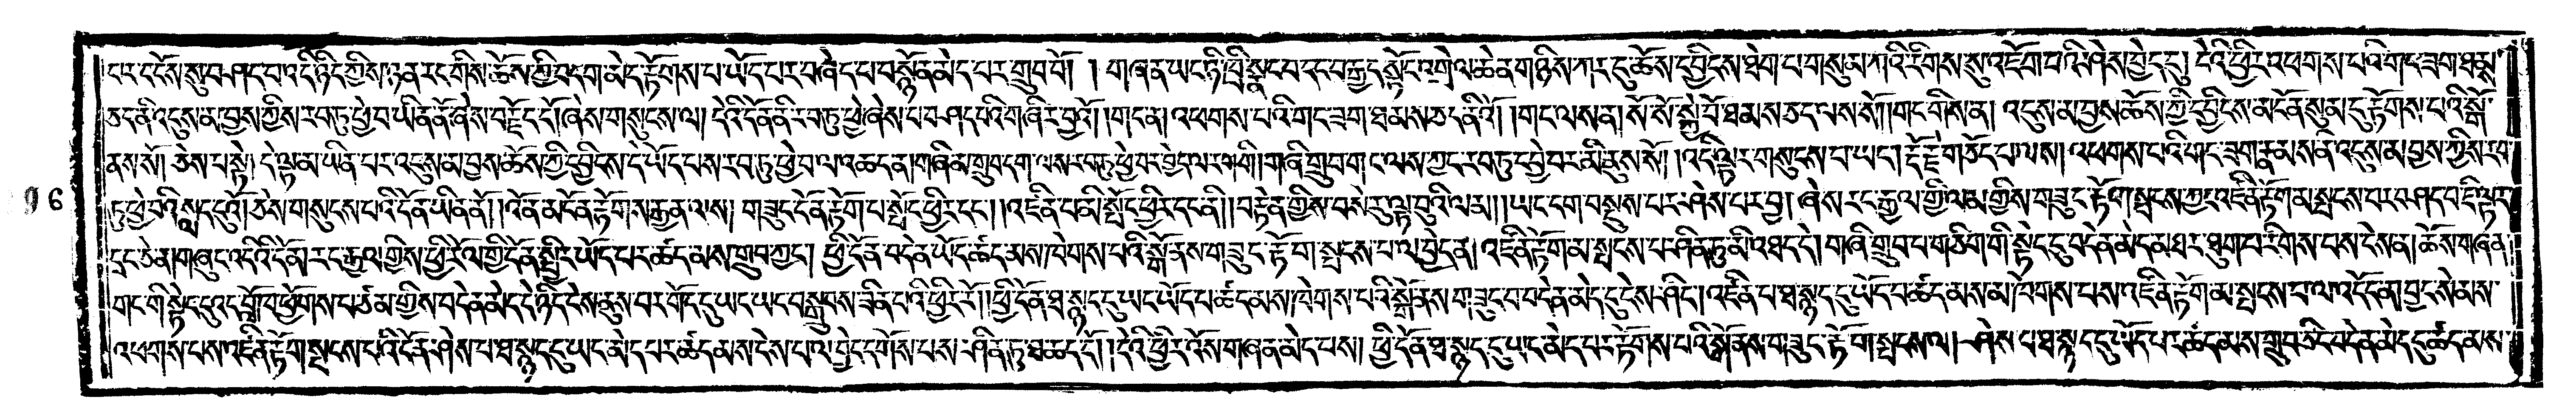པར་དངོས་སུ་བཤད་པ་འདི་ཉིད་ཀྱིས་ཉན་རང་གིས་ཆོས་ཀྱི་བདག་མེད་རྟོགས་པ་ཡོད་པར་བཞེད་པ་བསྙོན་མེད་པར་གྲུབ་བོ། །གཞན་ཡང་ཉི་ཁྲི་སྣང་བ་དང་བརྒྱད་སྟོང་འགྲེལ་ཆེན་གཉིས་ཀར་དུ་ཆོས་དབྱིངས་ཐེག་པ་གསུམ་ཀའི་རིགས་སུ་འཇོག་པའི་ཤེས་བྱེད་དུ། དེའི་ཕྱིར་འཕགས་པའི་གང་ཟག་ཐམས་
ཅད་ནི་འདུས་མ་བྱས་ཀྱིས་རབ་ཏུ་ཕྱེ་བ་ཡིན་ནོ་ཞེས་བརྗོད་དོ། ཞེས་གསུངས་ལ། དེའི་དོན་ནི་རབ་ཏུ་ཕྱེ་ཞེས་པ་བཤད་པའི་གཞིར་བྱའོ། །གང་ན། འཕགས་པའི་གང་ཟག་ཐམས་ཅད་ནིའོ། །གང་ལས་ན། སོ་སོ་སྐྱེ་བོ་ཐམས་ཅད་ལས་སོ། །གང་གིས་ན། འདུས་མ་བྱས་ཆོས་ཀྱི་དབྱིངས་མངོན་སུམ་དུ་རྟོགས་པའི་སྒོ་
ནས་སོ། ཅེས་པ་སྟེ། དེ་ལྟ་མ་ཡིན་པར་འདུས་མ་བྱས་ཆོས་ཀྱི་དབྱིངས་དེ་ཡོད་པས་རབ་ཏུ་ཕྱེ་བ་ལ་འཆད་ན། གཞི་མ་གྲུབ་དག་ལས་རབ་ཏུ་ཕྱེ་བར་བྱེད་ལ་རག་གི། གཞི་གྲུབ་གང་ལས་ཀྱང་རབ་ཏུ་དབྱེ་བར་མི་ནུས་སོ། །འདི་ལྟར་གསུངས་པ་ཡང་། རྡོ་རྗེ་གཅོད་པ་ལས། འཕགས་པའི་གང་ཟག་རྣམས་ནི་འདུས་མ་བྱས་ཀྱིས་རབ་
ཏུ་ཕྱེ་བའི་སླད་དུའོ། ཅེས་གསུངས་པའི་དོན་ཡིན་ནོ། །འོ་ན་མངོན་རྟོགས་རྒྱན་ལས། གཟུང་དོན་རྟོག་པ་སྤོང་ཕྱིར་དང་། །འཛིན་པ་མི་སྤོང་ཕྱིར་དང་ནི། །བརྟེན་གྱིས་བསེ་རུ་ལྟ་བུའི་ལམ། །ཡང་དག་བསྡུས་པར་ཤེས་པར་བྱ། ཞེས་རང་རྒྱལ་གྱི་ལམ་གྱིས་གཟུང་རྟོག་སྤངས་ཀྱང་འཛིན་རྟོག་མ་སྤངས་པར་བཤད་བ་ཇི་ལྟར་
དྲང་ཅེ་ན། གཞུང་འདིའི་དོན། རང་རྒྱལ་གྱིས་ཕྱི་རོལ་གྱི་དོན་སྤྱིར་ཡོད་པར་ཚད་མས་གྲུབ་ཀྱང་། ཕྱི་དོན་བདེན་ཡོད་ཚད་མས་ཁེགས་པའི་སྒོ་ནས་གཟུང་རྟོག་སྤངས་པ་ལ་བྱེད་ན། འཛིན་རྟོག་མ་སྤངས་པ་ཤིན་ཏུ་མི་འཐད་དེ། གཞི་གྲུབ་པ་གཅིག་གི་སྟེང་དུ་བདེན་མེད་མཐར་ཐུག་པ་རིགས་པས་ངེས་ན། ཆོས་གཞན་
གང་གི་སྟེང་དུའང་བློ་ཁ་ཕྱོགས་པ་ཙམ་གྱིས་བདེན་མེད་དེ་ཉིད་ངེས་ནུས་པར་གོང་དུ་ཡང་ཡང་བསྒྲུབས་ཟིན་པའི་ཕྱིར་རོ། །ཕྱི་དོན་ཐ་སྙད་དུ་ཡང་ཡོད་པ་ཚད་མས་ཁེགས་པའི་སྒོ་ནས་གཟུང་བ་བདེན་མེད་དུ་ངེས་ཤིང་། འཛིན་པ་ཐ་སྙད་དུ་ཡོད་པ་ཚད་མས་མ་ཁེགས་པས་འཛིན་རྟོག་མ་སྤངས་པ་ལ་འདོད་ན། བྱང་སེམས་
འཕགས་པས་འཛིན་རྟོག་སྤངས་པའི་དོན་ཤེས་པ་ཐ་སྙད་དུ་ཡང་མེད་པར་ཚད་མས་ངེས་པ་ལ་བྱེད་དགོས་པས་ཤིན་ཏུ་ཐ་ཆད་དོ། །དེའི་ཕྱིར་འོས་གཞན་མེད་པས། ཕྱི་དོན་ཐ་སྙད་དུ་ཡང་མེད་པར་རྟོགས་པའི་སྒོ་ནས་གཟུང་རྟོག་སྤངས་ལ། ཤེས་པ་ཐ་སྙད་དུ་ཡོད་པར་ཚད་མས་གྲུབ་ཅིང་བདེན་མེད་དུ་ཚད་མས་